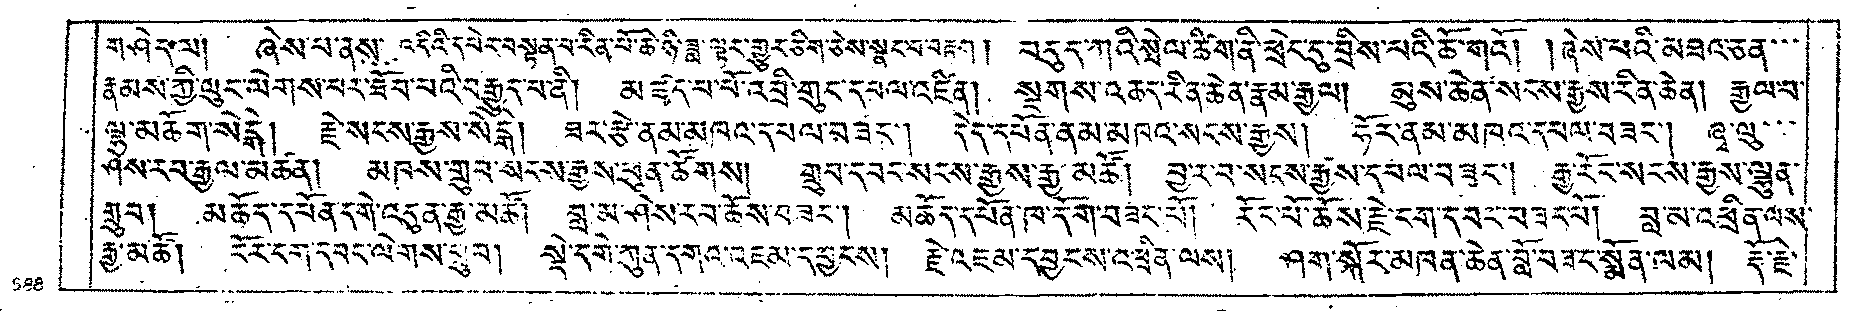གཤེད་ལ། ཞེས་པ་ནས། འདིའི་དཔེར་བསྟན་པ་རིན་པོ་ཆེ་ཉི་ཟླ་ལྟར་གྱུར་ཅིག་ཅེས་སྣང་བ་བརྟག །  བདུད་ཀའི་སྤེལ་ཚིག་ནི་ཕྲེང་དུ་བྲིས་པའི་ཆོ་གའོ། །ཞེས་པའི་མཐའ་ཅན་
རྣམས་ཀྱི་ལུང་ལེགས་པར་ཐོབ་པའི་བརྒྱུད་པ་ནི། མཛད་པ་པོ་འབྲི་གུང་དཔལ་འཛིན། སྔགས་འཆད་རིན་ཆེན་རྣམ་རྒྱལ། མུས་ཆེན་སངས་རྒྱས་རིན་ཆེན། རྒྱལ་བ་
ལྷ་མཆོག་སེངྒེ། རྗེ་སངས་རྒྱས་སེངྒེ། ཐར་རྩེ་ནམ་མཁའ་དཔལ་བཟང་། དེད་དཔོན་ནམ་མཁའ་སངས་རྒྱས། ཧོར་ནམ་མཁའ་དཔལ་བཟང་། ཞྭ་ལུ་
ཤེས་རབ་རྒྱལ་མཚན། མཁས་གྲུབ་སངས་རྒྱས་ཕུན་ཚོགས། གྲུབ་དབང་སངས་རྒྱས་རྒྱ་མཚོ། བྱ་ར་བ་སངས་རྒྱས་དཔལ་བཟང་། རྒྱ་རོང་སངས་རྒྱས་ལྷུན་
གྲུབ། མཆོད་དཔོན་དགེ་འདུན་རྒྱ་མཚོ། བླ་མ་ཤེས་རབ་ཆོས་བཟང་། མཆོད་དཔོན་ཁ་དོག་བཟང་པོ། རོང་པོ་ཆོས་རྗེ་ངག་དབང་བཟང་པོ། བླ་མ་འཕྲིན་ལས་
རྒྱ་མཚོ། ངོར་ངག་དབང་ལེགས་གྲུབ། སྡེ་དགེ་ཀུན་དགའ་འཇམ་དབྱངས། རྗེ་འཇམ་དབྱངས་འཕྲིན་ལས། ཤག་སྐོར་མཁན་ཆེན་བློ་བཟང་སྨོན་ལམ། རྡོ་རྗེ་